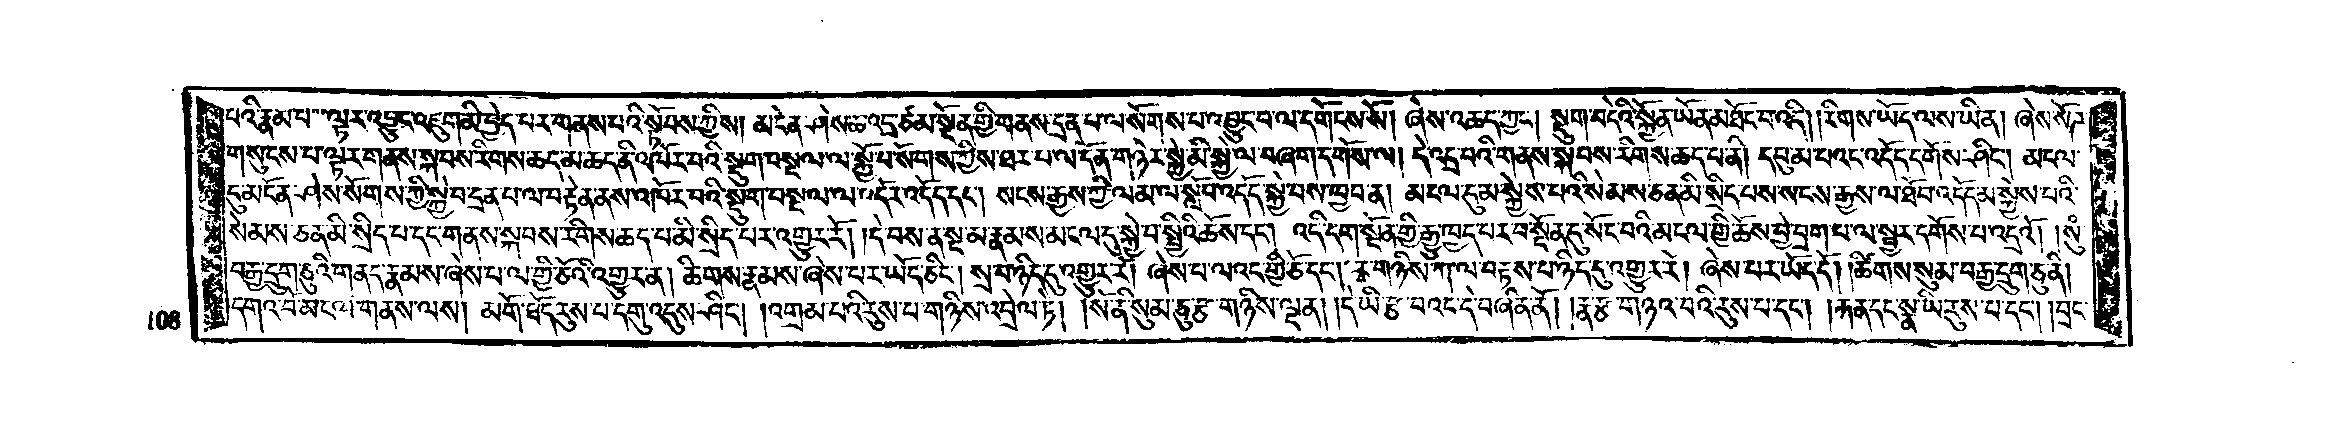པའི་རྣམ་པ་ལྟར་འབྱུང་འཇུག་མི་བྱེད་པར་གནས་པའི་སྟོབས་ཀྱིས། མངོན་ཤེས་ཆ་འདྲ་ཙམ་སྔོན་གྱི་གནས་དྲན་པ་ལ་སོགས་པ་འབྱུང་བ་ལ་དགོངས་སོ། ཞེས་འཆད་ཀྱང་། སྡུག་བདེའི་སྐྱོན་ཡོན་མཐོང་བ་འདི། །རིགས་ཡོད་ལས་ཡིན། ཞེས་སོགས་
གསུངས་པ་ལྟར་གནས་སྐབས་རིགས་ཆད་མ་ཆད་ནི་འཁོར་བའི་སྡུག་བསྔལ་ལ་སྐྱོ་བ་སོགས་ཀྱིས་ཐར་པ་ལ་དོན་གཉེར་སྐྱེ་མི་སྐྱེ་ལ་བཞག་དགོས་ལ། དེ་འདྲ་བའི་གནས་སྐབས་རིགས་ཆད་པ་ནི། དབུ་མ་པའང་འདོད་དགོས་ཤིང་། མངལ་
དུ་མངོན་ཤེས་སོགས་ཀྱི་སྐྱེ་བ་དྲན་པ་ལ་བརྟེན་ནས་འཁོར་བའི་སྡུག་བསྔལ་ལ་འདོར་འདོད་དང་། སངས་རྒྱས་ཀྱི་ལམ་ལ་སློབ་འདོད་སྐྱེ་བས་ཁྱབ་ན། མངལ་དུ་མ་སྐྱེས་པའི་སེམས་ཅན་མི་སྲིད་པས་སངས་རྒྱས་ལ་ཐོབ་འདོད་མ་སྐྱེས་པའི་
སེམས་ཅན་མི་སྲིད་པ་དང་གནས་སྐབས་རིགས་ཆད་པ་མི་སྲིད་པར་འགྱུར་རོ། །དེ་བས་ན་སྔ་མ་རྣམས་མངལ་དུ་སྐྱེ་བ་སྤྱིའི་ཆོས་དང་། འདི་དག་སྔོན་གྱི་རྒྱུ་ཁྱད་པར་བ་སྔོན་དུ་སོང་བའི་མངལ་གྱི་ཆོས་བྱེ་བྲག་པ་ལ་སྦྱར་དགོས་པ་འདྲའོ། །སུམ་
བརྒྱ་དྲུག་ཅུའི་གནད་རྣམས་ཞེས་པ་ལ་གྱི་ཅོའི་འགྱུར་ན། ཚིགས་རྣམས་ཞེས་པར་ཡོད་ཅིང་། སྲ་བ་ཉིད་དུ་འགྱུར་རོ། ཞེས་པ་ལའང་གྱི་ཅོ་དང་། རྭ་གཉིས་ཀ་ལ་བརྟས་པ་ཉིད་དུ་འགྱུར་རོ། ཞེས་པར་ཡོད་དོ། །ཚིགས་སུམ་བརྒྱ་དྲུག་ཅུ་ནི།
དགའ་བོ་མངལ་གནས་ལས། མགོ་ཐོད་རུས་པ་དགུ་འདུས་ཤིང་། །འགྲམ་པའི་རུས་པ་གཉིས་འབྲེལ་ཏེ། །སོ་ནི་སུམ་ཅུ་རྩ་གཉིས་ལྡན། །དེ་ཡི་རྩ་བའང་དེ་བཞིན་ནོ། །རྣ་རྩ་གཉའ་བའི་རུས་པ་དང་། །རྐན་དང་སྣ་ཡི་རུས་པ་དང་། །བྲང་